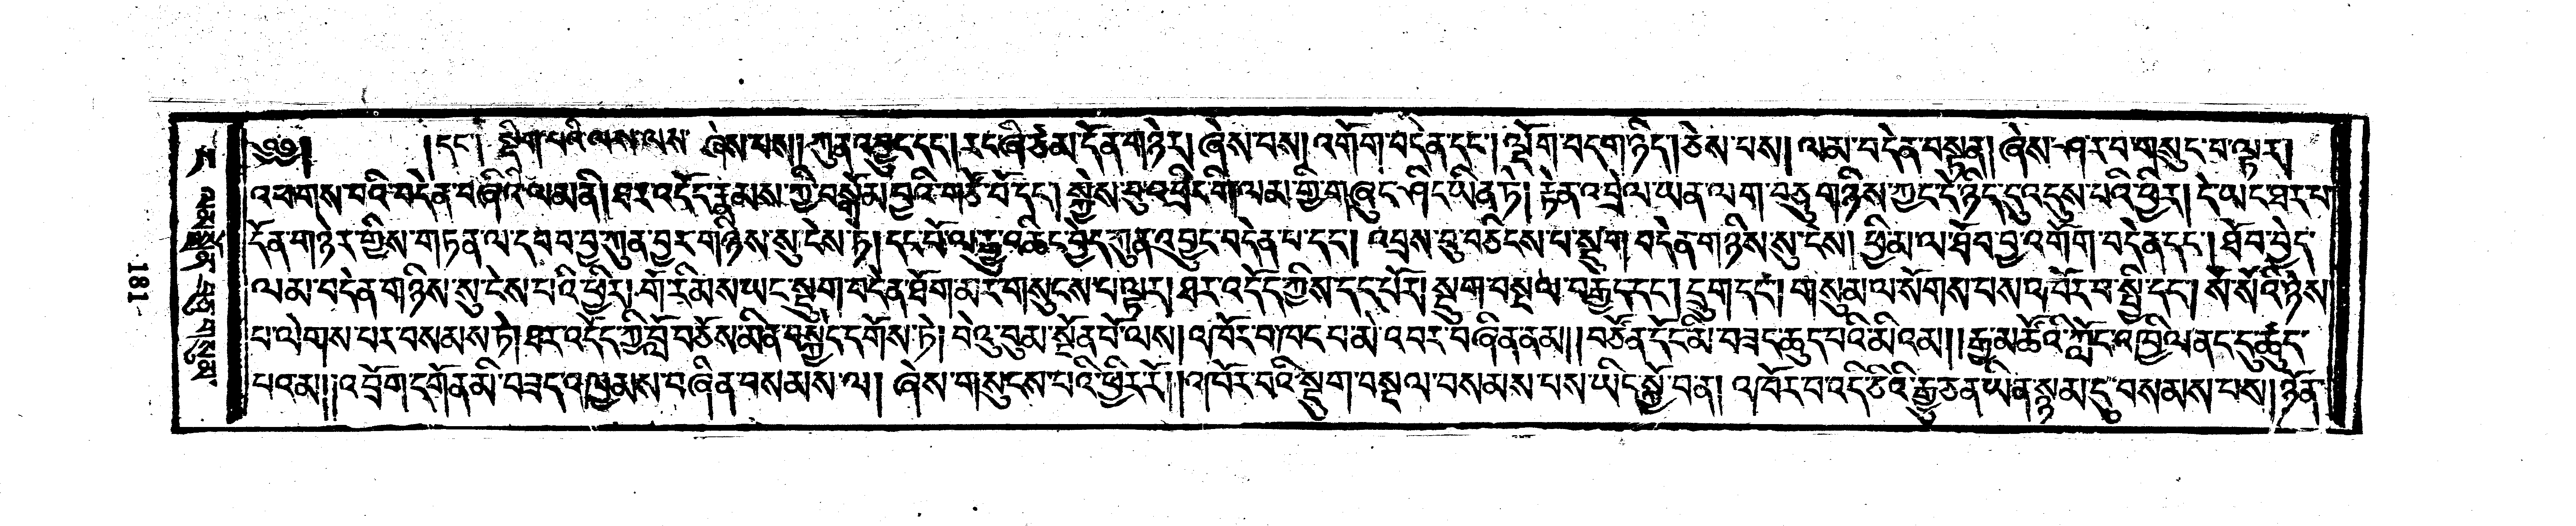༄༅། །དང༑ སྡིག་པའི་ལས་ལས། ཞེས་པས། ཀུན་འབྱུང་དང་། རང་ཞི་ཙམ་དོན་གཉེར། ཞེས་པས། འགོག་བདེན་དང་། ལྡོག་བདག་ཉིད། ཅེས་པས། ལམ་བདེན་བསྟན། ཞེས་ཤ་ར་བ་གསུང་པ་ལྟར།
འཕགས་པའི་བདེན་བཞིའི་ལམ་ནི། ཐར་འདོད་རྣམས་ཀྱི་བསྒོམ་བྱའི་གཙོ་བོ་དང་། སྐྱེས་བུ་འབྲིང་གི་ལམ་གྱི་གཞུང་ཤིང་ཡིན་ཏེ། རྟེན་འབྲེལ་ཡན་ལག་བཅུ་གཉིས་ཀྱང་དེ་ཉིད་དུ་འདུས་པའི་ཕྱིར། དེ་ཡང་ཐར་པ་
དོན་གཉེར་གྱིས་གཏན་ལ་དབབ་བྱ་ཀུན་བྱང་གཉིས་སུ་ངེས་ཏེ། དང་པོ་ལ་རྒྱུ་འཆིང་བྱེད་ཀུན་འབྱུང་བདེན་པ་དང་། འབྲས་བུ་བཅིངས་པ་སྡུག་བདེན་གཉིས་སུ་ངེས། ཕྱི་མ་ལ་ཐོབ་བྱ་འགོག་བདེན་དང་། ཐོབ་བྱེད་
ལམ་བདེན་གཉིས་སུ་ངེས་པའི་ཕྱིར། གོ་རིམས་ཡང་སྡུག་བདེན་ཐོག་མར་གསུངས་པ་ལྟར། ཐར་འདོད་ཀྱིས་དང་པོར། སྡུག་བསྔལ་བརྒྱད་དང་། དྲུག་དང་། གསུམ་ལ་སོགས་པས་འཁོར་བ་སྤྱི་དང་། སོ་སོའི་ཉེས་
པ་ལེགས་པར་བསམས་ཏེ། ཐར་འདོད་ཀྱི་བློ་བཅོས་མིན་བསྐྱེད་དགོས་ཏེ། བེའུ་བུམ་སྔོན་པོ་ལས། འཁོར་བ་ཁང་པ་མེ་འབར་བཞིན་ནམ། །བཙོན་དོང་མི་བཟད་ཆུད་པའི་མིའམ། །རྒྱ་མཚོའི་ཀློང་འཁྱིལ་ནང་དུ་ཚུད་
པའམ། །འབྲོག་དགོན་མི་བཟད་འཁྱམས་བཞིན་བསམས་ལ། ཞེས་གསུངས་པའི་ཕྱིར་རོ། །འཁོར་བའི་སྡུག་བསྔལ་བསམས་པས་ཡིད་སྐྱོ་བ་ན། འཁོར་བ་འདི་ཅིའི་རྒྱུ་ཅན་ཡིན་སྙམ་དུ་བསམས་པས། ཉོན་